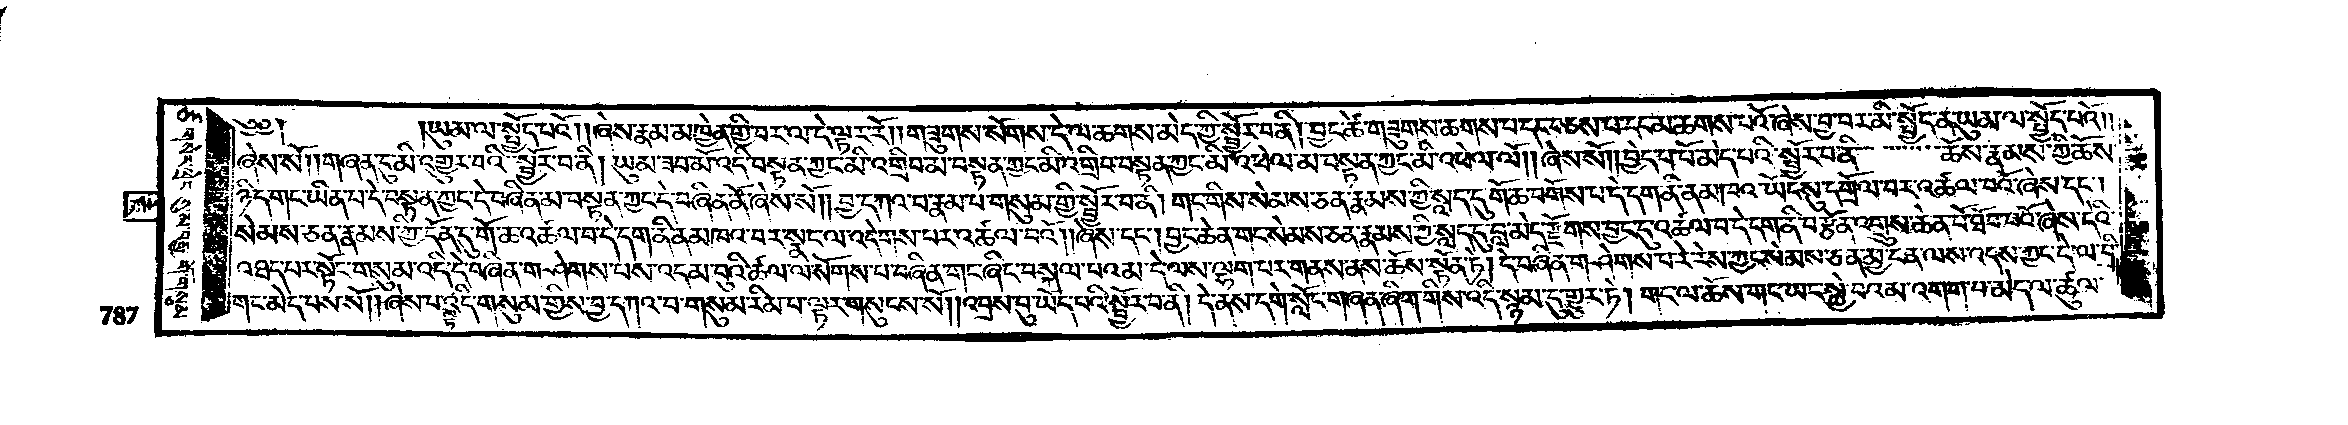༄༅། །ཡུམ་ལ་སྤྱོད་པའོ། །ཞེས་རྣམ་མཁྱེན་གྱི་བར་ལ་དེ་ལྟར་རོ། །གཟུགས་སོགས་དེ་ལ་ཆགས་མེད་ཀྱི་སྦྱོར་བ་ནི། བྱང་ཚེ་གཟུགས་ཆགས་པ་དང་བཅས་པ་དང་མ་ཆགས་པའོ་ཞེས་བྱ་བར་མི་སྤྱོད་ན་ཡུམ་ལ་སྤྱོད་པའོ། །
ཞེས་སོ། །གཞན་དུ་མི་འགྱུར་བའི་སྦྱོར་བ་ནི། ཡུམ་ཟབ་མོ་འདི་བསྟན་ཀྱང་མི་འགྲིབ་མ་བསྟན་ཀྱང་མི་འགྲིབ་བསྟན་ཀྱང་མི་འཕེལ་མ་བསྟན་ཀྱང་མི་འཕེལ་ལོ། །ཞེས་སོ། །བྱེད་པ་པོ་མེད་པའི་སྦྱོར་བ་ནི་ཆོས་རྣམས་ཀྱི་ཆོས་
ཉིད་གང་ཡིན་པ་དེ་བསྟན་ཀྱང་དེ་བཞིན་མ་བསྟན་ཀྱང་དེ་བཞིན་ནོ་ཞེས་སོ། །བྱ་དཀའ་བ་རྣམ་པ་གསུམ་གྱི་སྦྱོར་བ་ནི། གང་གིས་སེམས་ཅན་རྣམས་ཀྱི་སླད་དུ་གོ་ཆ་བགོས་པ་དེ་དག་ནི་ནམ་མཁའ་ཡོངས་སུ་དགྲེལ་བར་འཚལ་བའོ་ཞེས་དང་།
སེམས་ཅན་རྣམས་ཀྱི་དོན་དུ་གོ་ཆ་འཚལ་བ་དེ་དག་ནི་ནམ་མཁའ་བར་སྣང་ལ་འདེགས་པར་འཚལ་བའོ། །ཞེས་དང་། བྱང་ཆེན་གང་སེམས་ཅན་རྣམས་ཀྱི་སླད་དུ་བླ་མེད་རྫོགས་བྱང་དུ་འཚལ་བ་དེ་དག་ནི་བརྩོན་འགྲུས་ཆེན་པོ་ཐོབ་པའོ་ཞེས་དེའི་
འཐད་པར་སྟོང་གསུམ་འདི་དེ་བཞིན་གཤེགས་པས་འདམ་བུའི་ཚལ་ལ་སོགས་པ་བཞིན་གང་ཞིང་བསྐལ་པའམ་དེ་ལས་ལྷག་པར་གནས་ནས་ཆོས་སྟོན་ཏེ། དེ་བཞིན་གཤེགས་པ་རེ་རེས་ཀྱང་སེམས་ཅན་མྱ་ངན་ལས་འདས་ཀྱང་དེ་ལ་བྲི་
གང་མེད་པས་སོ། །ཞེས་པ་སྟེ་འདི་གསུམ་གྱིས་བྱ་དཀའ་བ་གསུམ་རིམ་པ་ལྟར་གསུངས་སོ། །འབྲས་བུ་ཡོད་པའི་སྦྱོར་བ་ནི། དེ་ནས་དགེ་སློང་གཞན་ཞིག་གིས་འདི་སྙམ་དུ་གྱུར་ཏེ། གང་ལ་ཆོས་གང་ཡང་སྐྱེ་བའམ་འགག་པ་མེད་ལ་ཚུལ་